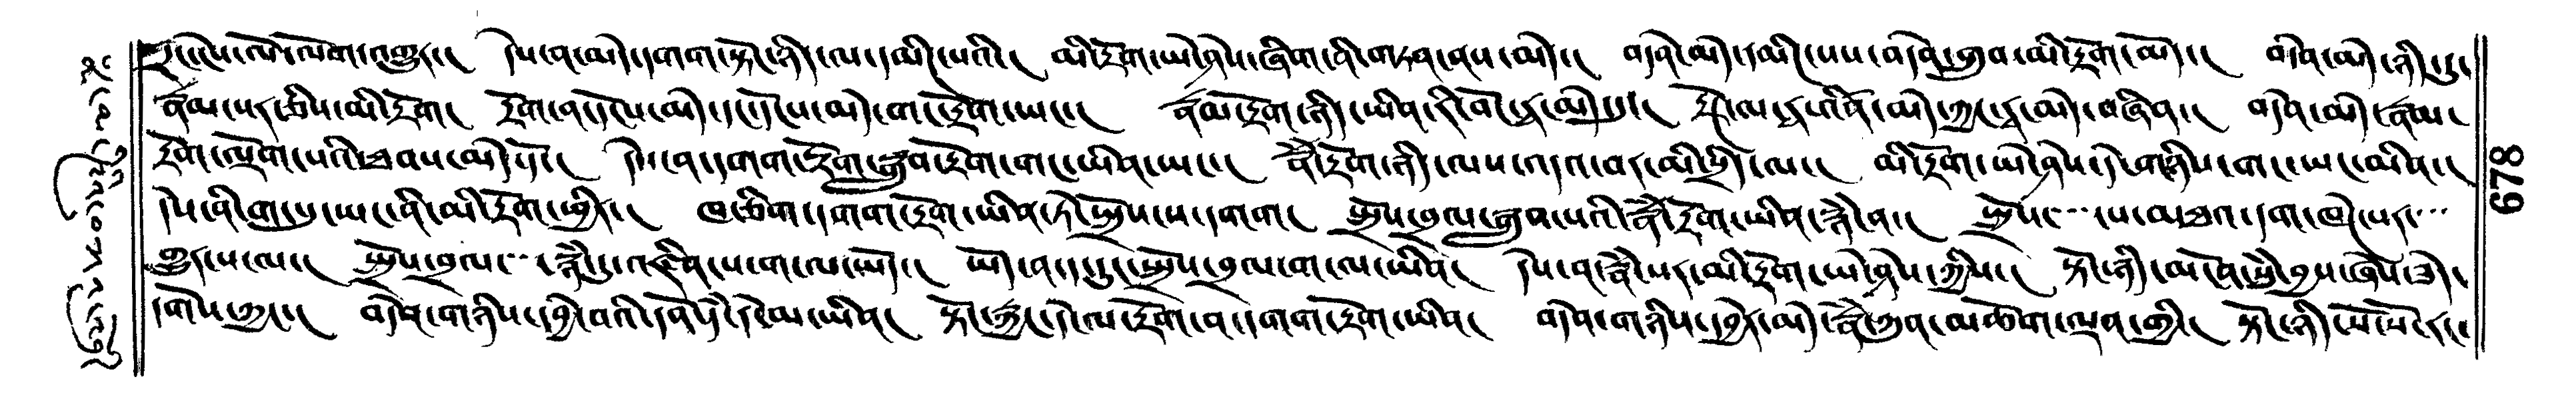དྲང་ངེས་གོ་ལོག་འགྱུར། །དེས་ན་མེད་དགག་སྟོང་ཉིད་ལ་དམིགས་པའི། །མི་རྟོག་ཡེ་ཤེས་ཞིག་ནི་གཏན་ནས་མེད། །བདེན་མེད་དམིགས་པས་བདེན་གྲུབ་མི་རྟོག་མོད། །བདེན་མེད་ཉིད་དུ་
རྣམ་པར་ཅིས་མི་རྟོག །རྟོག་ན་དངོས་དང་དངོས་མེད་གང་རྟོག་ཀྱང་། །རྣམ་རྟོག་ཉིད་ཡིན་རི་བོང་རྭ་མེད་དུ། །རྟོག་ལ་རྭ་འཛིན་མེད་ཀྱང་རྭ་མེད་བཞིན། །བདེན་མེད་རྣམ་
རྟོག་ལྡོག་པའི་ཐབས་མེད་དོ། །དེས་ན་དགག་རྟོག་སྒྲུབ་རྟོག་གང་ཡིན་ཡང་། །རྣམ་རྟོག་ཉིད་ལས་འདའ་བར་མི་སྲིད་ལ། །མི་རྟོག་ཡེ་ཤེས་དེ་གཉིས་གང་ཡང་མིན། །
དེས་ནི་གང་དུ་ཡང་ནི་མི་རྟོག་ཕྱིར། ཁ་ཅིག་དགག་རྟོག་ཡིན་ཏེ་སྤྲོས་པ་དགག སྤྲོས་བྲལ་སྒྲུབ་པའི་རྣམ་རྟོག་ཡིན་སྙམ་ན། །སྤྲོས་པ་མཐའ་དག་ཁེགས་པར་
གྱུར་པ་ལ། །སྤྲོས་བྲལ་སྙམ་དུ་འཛིན་པ་ག་ལ་ཡོད། །ཡོད་ན་ད་དུང་སྤྲོས་བྲལ་ག་ལ་ཡིན། །དེས་ན་རྣམ་པར་མི་རྟོག་ཡེ་ཤེས་ཀྱིས། །སྟོང་ཉིད་མངོན་སུམ་བྱས་ཞེས་ཟེར་
དགོས་ཀྱང་། །བདེན་གཉིས་དབྱེ་བའི་དོན་དམ་དེ་མ་ཡིན། །སྟོང་རྐྱང་དེ་ལ་རྟོག་ན་དགག་རྟོག་ཡིན། །བདེན་གཉིས་དབྱེར་མེད་རྣམ་ཀུན་མཆོག་ལྡན་གྱི། །སྟོང་ཉིད་སོ་སོ་རང་